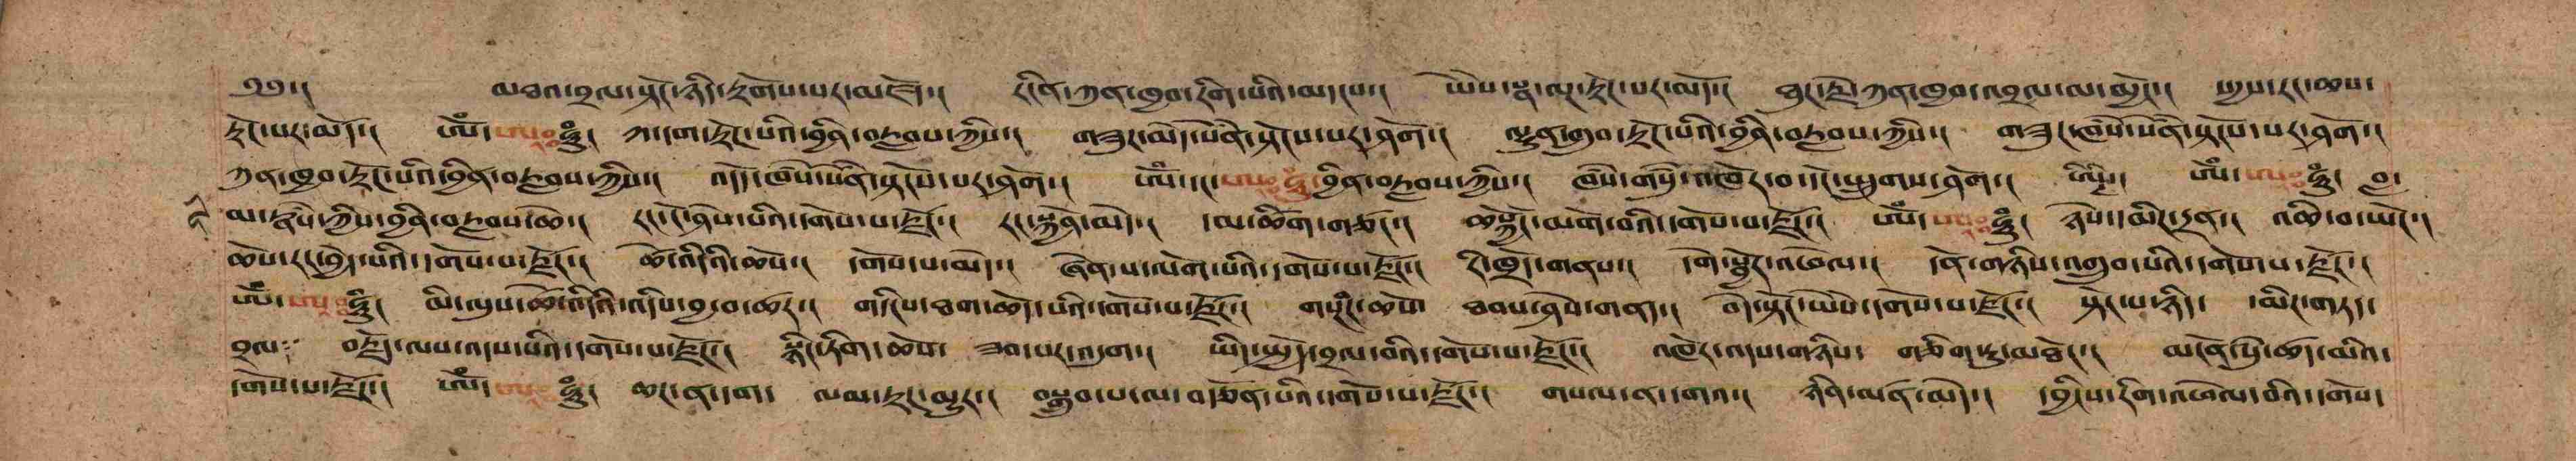༄༅་། མཐའ་བྲལ་སྟོང་ཉིད་རྟོགས་པར་མཛོད། རང་བཞིན་ཀུན་ཁྱབ་རིག་པའི་མདངས། ཡེ་ཤེས་སྣ་ལྔ་རྟོགས་པར་མཛོད། ཐུགས་རྗེ་ཀུན་ཁྱབ་འབྲལ་མ་མྱོང་། སངས་རྒྱས་རང་ཆས་
རྟོགས་པར་མཛོད། ཨོཾ་ཨཿ. ཧཱུཾ། ཀ་དག་རྟོགས་པའི་བྱིན་བརླབས་ཀྱིས། གཟུགས་མེད་སེམས་ཅན་སྟོངས་པར་ཤོག། ལྷུན་གྲུབ་རྟོགས་པའི་བྱིན་བརླབས་ཀྱིས། གཟུགས་ཁམས་སེམས་ཅན་སྟོངས་པར་ཤོག 
ཀུན་ཁྱབ་རྟོགས་པའི་བྱིན་བརླབས་ཀྱིས། འདོད་ཁམས་སེམས་ཅན་སྟོངས་པར་ཤོག ཨོཾ་དང་ཨཿ ཧཱུཾ་བྱིན་བརླབས་ཀྱིས། ཁམས་གསུམ་འཁོར་བ་དོང་སྤྲུགས་ཤོག ཨིཊི། ཨོཾ་ཨཿ.ཧཱུཾ། བླ་
མ་རྣམས་ཀྱིས་བྱིན་བརླབས་ཀྱིས། རང་ངོ་ཤེས་པའི་དགོས་པ་རྫོགས། རང་སྐྱོན་མེད། དམ་ཚིག་གཙང་། ཆོས་སྐྱོང་མགོ་བའི་དགོས་པ་རྫོགས། ཨོཾ་ཨཿ. ཧཱུཾ། ཉེས་དམིགས་དྲན། འཆི་བ་ཡོང་། 
ཆོས་རང་བྱེད་པའི་དགོས་པ་རྫོགས། ཚེ་འདིའི་ཆོས། དགོས་པ་མེད། ཞེན་པ་ལོག་པའི་དགོས་པ་རྫོགས། རི་ཁྲོད་གནས། དགེ་སྦྱོར་འཕེལ། དོན་གཉིས་འགྲུབ་པའི་དགོས་པ་རྫོགས། 
ཨོཾ་ཨཿཧཱུཾ། མི་ལུས་ཚེ་འདིའི་འདིས་བྱ་བ་ཚར། གདིངས་ཐག་ཆོད་པའི་དགོས་པ་རྫོགས། གསང་སྔགས་ཆོས། ཐབས་ཤེས་གནད། བདེ་སྟོང་ཡེ་ཤེས་དགོས་པ་རྫོགས། སྟོང་པ་ཉིད། དམིགས་གཏད་
བྲལ༑ བརྗོད་ལས་འདས་པའི་དགོས་པ་རྫོགས། སྙིང་ཏིག་ཆོས། ཟབ་པར་འདུག། ཡིད་སྤྱོད་བྲལ་བའི་དགོས་པ་རྫོགས། འཁོར་འདས་གཉིས། གཅིག་ཏུ་མཐོང་། མངོན་སུམ་ཚད་མའི་
དགོས་པ་རྫོགས། ཨོཾ་ཨཿཧཱུཾ། ཆགས་ན་དག ལམ་རྟགས་མྱུར། བསྒྲུབ་པ་ལ་བརྩོན་པའི་དགོས་པ་རྫོགས། གསལ་ན་དགའ། ཉིན་མཚན་མེད། དབྱིངས་རིག་འཕེལ་བའི་དགོས་